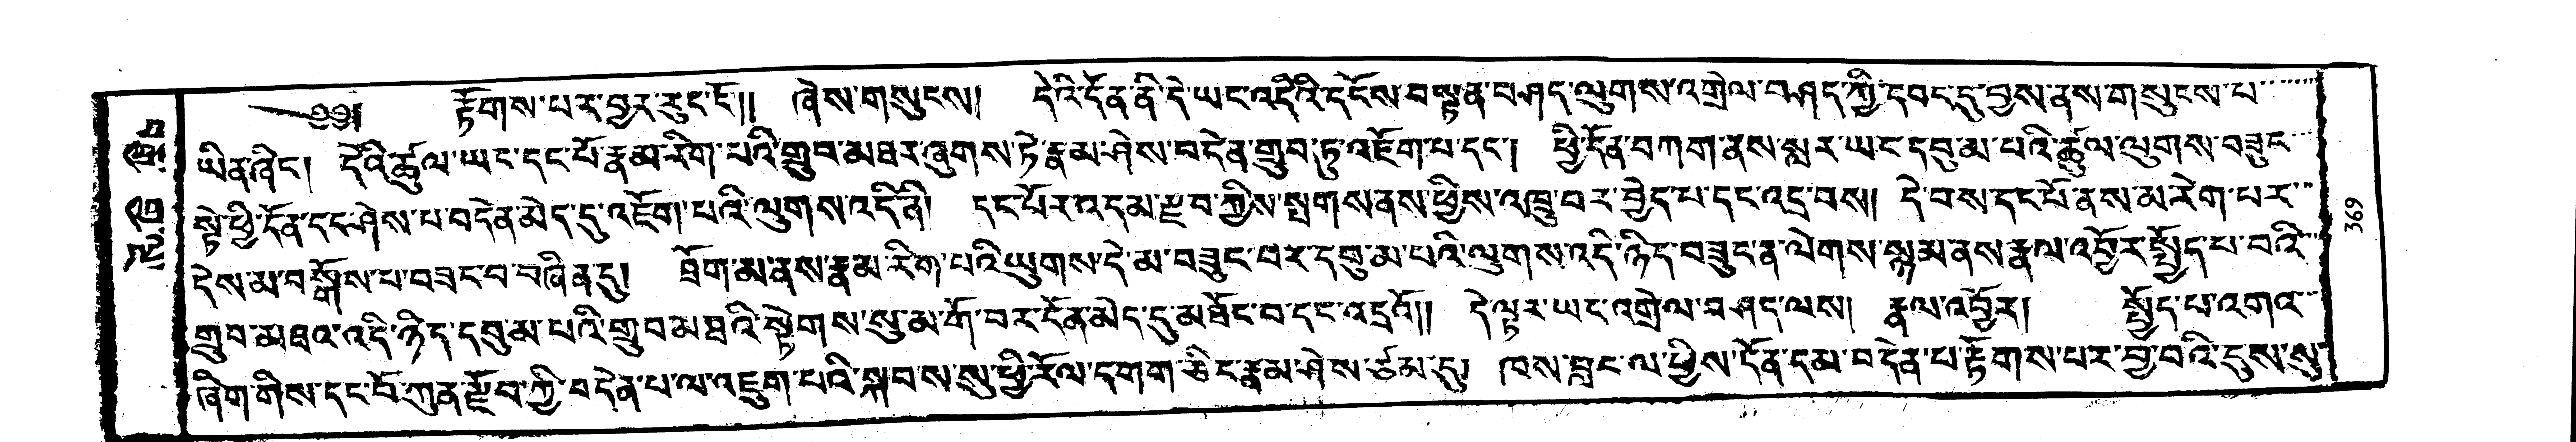༄༅། །རྟོགས་པར་བྱར་རུང་ངོ། །ཞེས་གསུངས། དེའི་དོན་ནི་དེ་ཡང་འདིའི་དངོས་བསྟན་བཤད་ལུགས་འགྲེལ་བཤད་ཀྱི་དབང་དུ་བྱས་ནས་གསུངས་པ་
ཡིན་ཞིང་། དེའི་ཚུལ་ཡང་དང་པོ་རྣམ་རིག་པའི་གྲུབ་མཐར་ཞུགས་ཏེ་རྣམ་ཤེས་བདེན་གྲུབ་ཏུ་འཇོག་པ་དང་། ཕྱི་དོན་བཀག་ནས་སླར་ཡང་དབུ་མ་པའི་ཚུལ་ལུགས་བཟུང་
སྟེ་ཕྱི་དོན་དང་ཤེས་པ་བདེན་མེད་དུ་འཇོག་པའི་ལུགས་འདི་ནི། དང་པོར་འདམ་རྫབ་ཀྱིས་སྤགས་ནས་ཕྱིས་འཁྲུ་བར་བྱེད་པ་དང་འདྲ་བས། དེ་བས་དང་པོ་ནས་མ་རིག་པར་
དེས་མ་བསྒོས་པ་བཟང་བ་བཞིན་དུ། ཐོག་མ་ནས་རྣམ་རིག་པའི་ལུགས་དེ་མ་བཟུང་བར་དབུ་མ་པའི་ལུགས་འདི་ཉིད་བཟུང་ན་ལེགས་སྙམ་ནས་རྣལ་འབྱོར་སྤྱོད་པ་པའི་
གྲུབ་མཐའ་འདི་ཉིད་དབུ་མ་པའི་གྲུབ་མཐའི་སྟེགས་སུ་མ་གོ་བར་དོན་མེད་དུ་མཐོང་བ་དང་འདྲའོ། །དེ་ལྟར་ཡང་འགྲེལ་བཤད་ལས། རྣལ་འབྱོར། སྤྱོད་པ་འགའ་
ཞིག་གིས་དང་པོ་ཀུན་རྫོབ་ཀྱི་བདེན་པ་ལ་འཇུག་པའི་སྐབས་སུ་ཕྱི་རོལ་དགག་ཅིང་རྣམ་ཤེས་ཙམ་དུ། ཁས་བླང་ལ་ཕྱིས་དོན་དམ་བདེན་པ་རྟོགས་པར་བྱ་བའི་དུས་སུ་